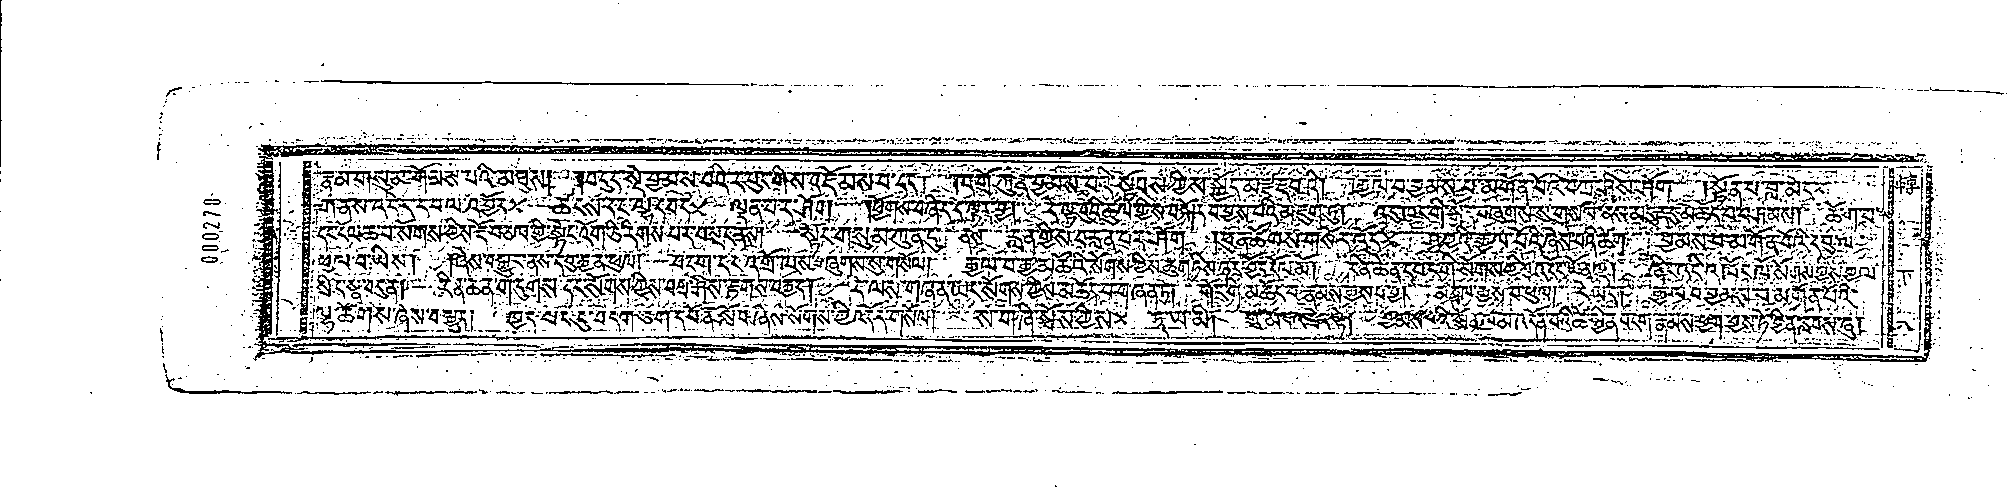རྣམ་གསུམ་གོམས་པའི་མཐུས། །བདུད་སྡེ་བྱམས་པའི་དཔུང་གིས་འཇོམས་པ་དང་། །འགྲོ་ཀུན་བྱམས་པའི་སྟོབས་ཀྱིས་སྐྱོད་མཛད་བའི། །རྒྱལ་བ་བྱམས་པ་མགོན་པོའི་བཀྲ་ཤིས་ཤོག །སྟོན་པ་བླ་མེད་྾་
གནས་འདིར་དཔལ་འབྱོར་྾་ཚངས་དང་ལྷ་དབང་྾་ལྡན་པར་ཤོག །ཕྱོགས་བཞིར་དེ་ལྟར་བྱ། དེ་ལྟ་བུའི་ཚུལ་གྱིས་བསྐོར་བ་བྱས་པའི་མཇུག་ཏུ། འདུ་ཁང་གི་སྒོར་བཞུགས་སུ་གསོལ་ནས་མདུན་དུ་མཆོད་པ་བཤམས། ཆོ་ག་པ་
དང་རོལ་ཆ་པ་སོགས་གིས?་རྡོ་བཅལ་གྱི་སྟེང་འོག་ཅི་རིགས་པར་བསྡད་ནས། སྟོང་གསུམ་ཀུན་དུ་ནས་རླན་གྱིས་བརླན་པར་ཤོག །ཕུན་ཚོགས་གསོར་འོང་྾་ཤཱཀྱའི་རྒྱལ་པོའི་ཞེས་པའི་ཆིག། བྱམས་པ་མགོན་པོའི་དབུ་ལ་
ཕུལ་བ་ཡིས། །ཞེས་བསྒྱུར་ནས་དབུ་རྒྱན་ཕུལ། བདག་དང་འགྲོ་ལས་བཞུགས་སུ་གསོལ། རྒྱལ་བ་རྒྱ་མཚོའི་སོགས་ཀྱིས་ཆུ་གཉིས་ཉད་བྱོད་རོལ་མོ། རིན་ཆེན་དབང་གི་སོགས་ཀྱིས་འདོད་ཡོན་ལྔ། ཞིང་འདི་འཁོར་ལོ་སོགས་ཀྱིས་རྒྱལ་བྱ། བྱི་
བདུན། རིན་ཆེན་གདུགས་དང་སོགས་ཀྱིས་བཀྲ་ཤིས་རྟགས་བརྒྱད། ?དེ་ལས་གཞན་ཡང་སོགས་ཀྱིས་མཆོད་པ་གཞན་ཏེ། གོང་གི་མཆོང་པ་རྣམས་རྒྱས་པ་བྱ། མཎྚལ་རྒྱས་པ་ཕུལ། དེ་ཡང་། རྒྱལ་བ་བྱམས་པ་མགོན་པོའི་
ལྷ་ཚོགས་ཞེས་བསྒྱུད། ཁྱད་པར་དུ་དཔག་ཅག་དཔོན་སློབ་ཞེས་སོགས་ཀྱི་འདོད་གསོལ། ས་གཞི་སྤོས་ཀྱིས་྾་ཏཱ་ཡ་མི། གྲྭ་མང་འགྲེང་སྟེ། བྱམས་པའི་སྨོན་ལམ་འདོན་བའི་ཚེ་སྦྱིན་བདག་རྣམས་ཕྱག་བྱས་ཏེ་བྱིན་རླབས་ཞུ།